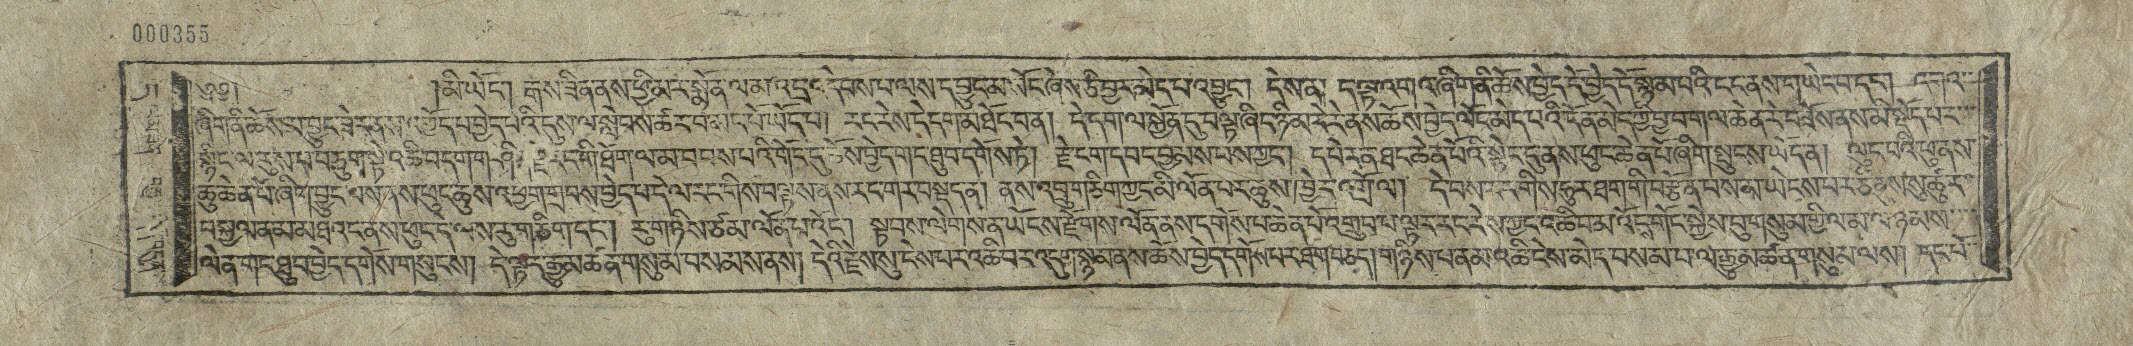༄༅། །མི་ཡོང་། རྒས་ཟིན་ནས་ཕྱི་མར་སྨོན་ལམ་འདྲ་འདེབས་པ་ལས་ད་བྱུང་མ་སོང་ཞེས་ཅི་བྱར་མེད་པ་འབྱུང་། དེས་ན། ད་ལྟ་འགའ་ཞིག་ནི་ཆོས་བྱེད་དོ་བྱེད་དོ་སྙམ་པའི་ངང་ནས་གཡེང་བ་དང་། འགའ་
ཞིག་ནི་ཆོས་མ་བྱུང་ཟེར་ནས་འགྱོད་པ་བྱེད་པའི་དུས་ལ་སླེབས་ཚར་བ་མང་པོ་ཡོད་པ། རང་རེས་དེ་དག་མཐོང་བ་ན། དེ་དག་ལ་སྐྱོན་དུ་བལྟ་ཞིང་ཉི་མ་རེ་རེ་ནས་ཆོས་བྱེད་ལོང་མེད་པའི་དོན་མེད་ཀྱི་བྱ་བ་གལ་ཆེན་རེ་བཟོས་ནས་མི་སྡོད་པར་
སྙིང་ལ་རུས་པ་བཅུག་སྟེ་འཆི་བདག་གཤིན་རྗེ་རང་གི་ཐོག་ལ་མ་བབས་པའི་གོང་དུ་ཆོས་བྱེད་གང་ཐུབ་དགོས་ཏེ། རྗེ་ངག་དབང་བྱམས་པས་ཀྱང་། དཔེར་ན་ཐང་ཆེན་པོའི་སྟེང་དུ་ནས་ཕུང་ཆེན་པོ་ཞིག་སྤུངས་ཡོད་ན། ལུང་པའི་ཕུ་ནས་
ཆུ་ཆེན་པོ་ཞིག་བྱུང་བས་ནས་ཕུང་ཆུས་འཕྱག་གྲབས་བྱེད་པ་དེ་ལ་རང་གིས་བལྟས་ནས་རང་གར་བསྡད་ན། ནས་འབྲུ་གཅིག་ཀྱང་མི་ལོན་པར་ཆུས་ཁྱེར་འགྲོ་ལ། དེ་བས་རང་གིས་ཧུར་ཐག་གི་བརྩོན་པས་མ་ཡེངས་པར་ཅི་ནུས་སུ་ཚུར་
བསྐྱལ་ནམ་མཐའང་ནས་ཕུང་དེ་ལས་རུ་གཅིག་དང་། རུ་གཉིས་ཙམ་ལོན་པ་འོང་། སྟབས་ལེགས་ན་ཡོངས་རྫོགས་ལོན་ནས་དགོས་པ་ཆེན་པོ་འགྲུབ་པ་ལྟར་རང་རེས་ཀྱང་འཆི་བ་མ་འོངས་གོང་སྐྱེས་བུ་གསུམ་གྱི་ལམ་ལ་ཉམས་
ལེན་གང་ཐུབ་བྱེད་དགོས་གསུངས། དེ་ལྟར་རྒྱུ་མཚན་གསུམ་བསམས་ནས། དེའི་རྗེས་སུ་ངེས་པར་འཆི་བར་འདུག་སྙམ་ནས་ཆོས་བྱེད་དགོས་པར་ཐག་བཅད། གཉིས་པ་ནམ་འཆི་ངེས་མེད་བསམ་པ་ལ་རྒྱུ་མཚན་གསུམ་ལས། དང་པོ་